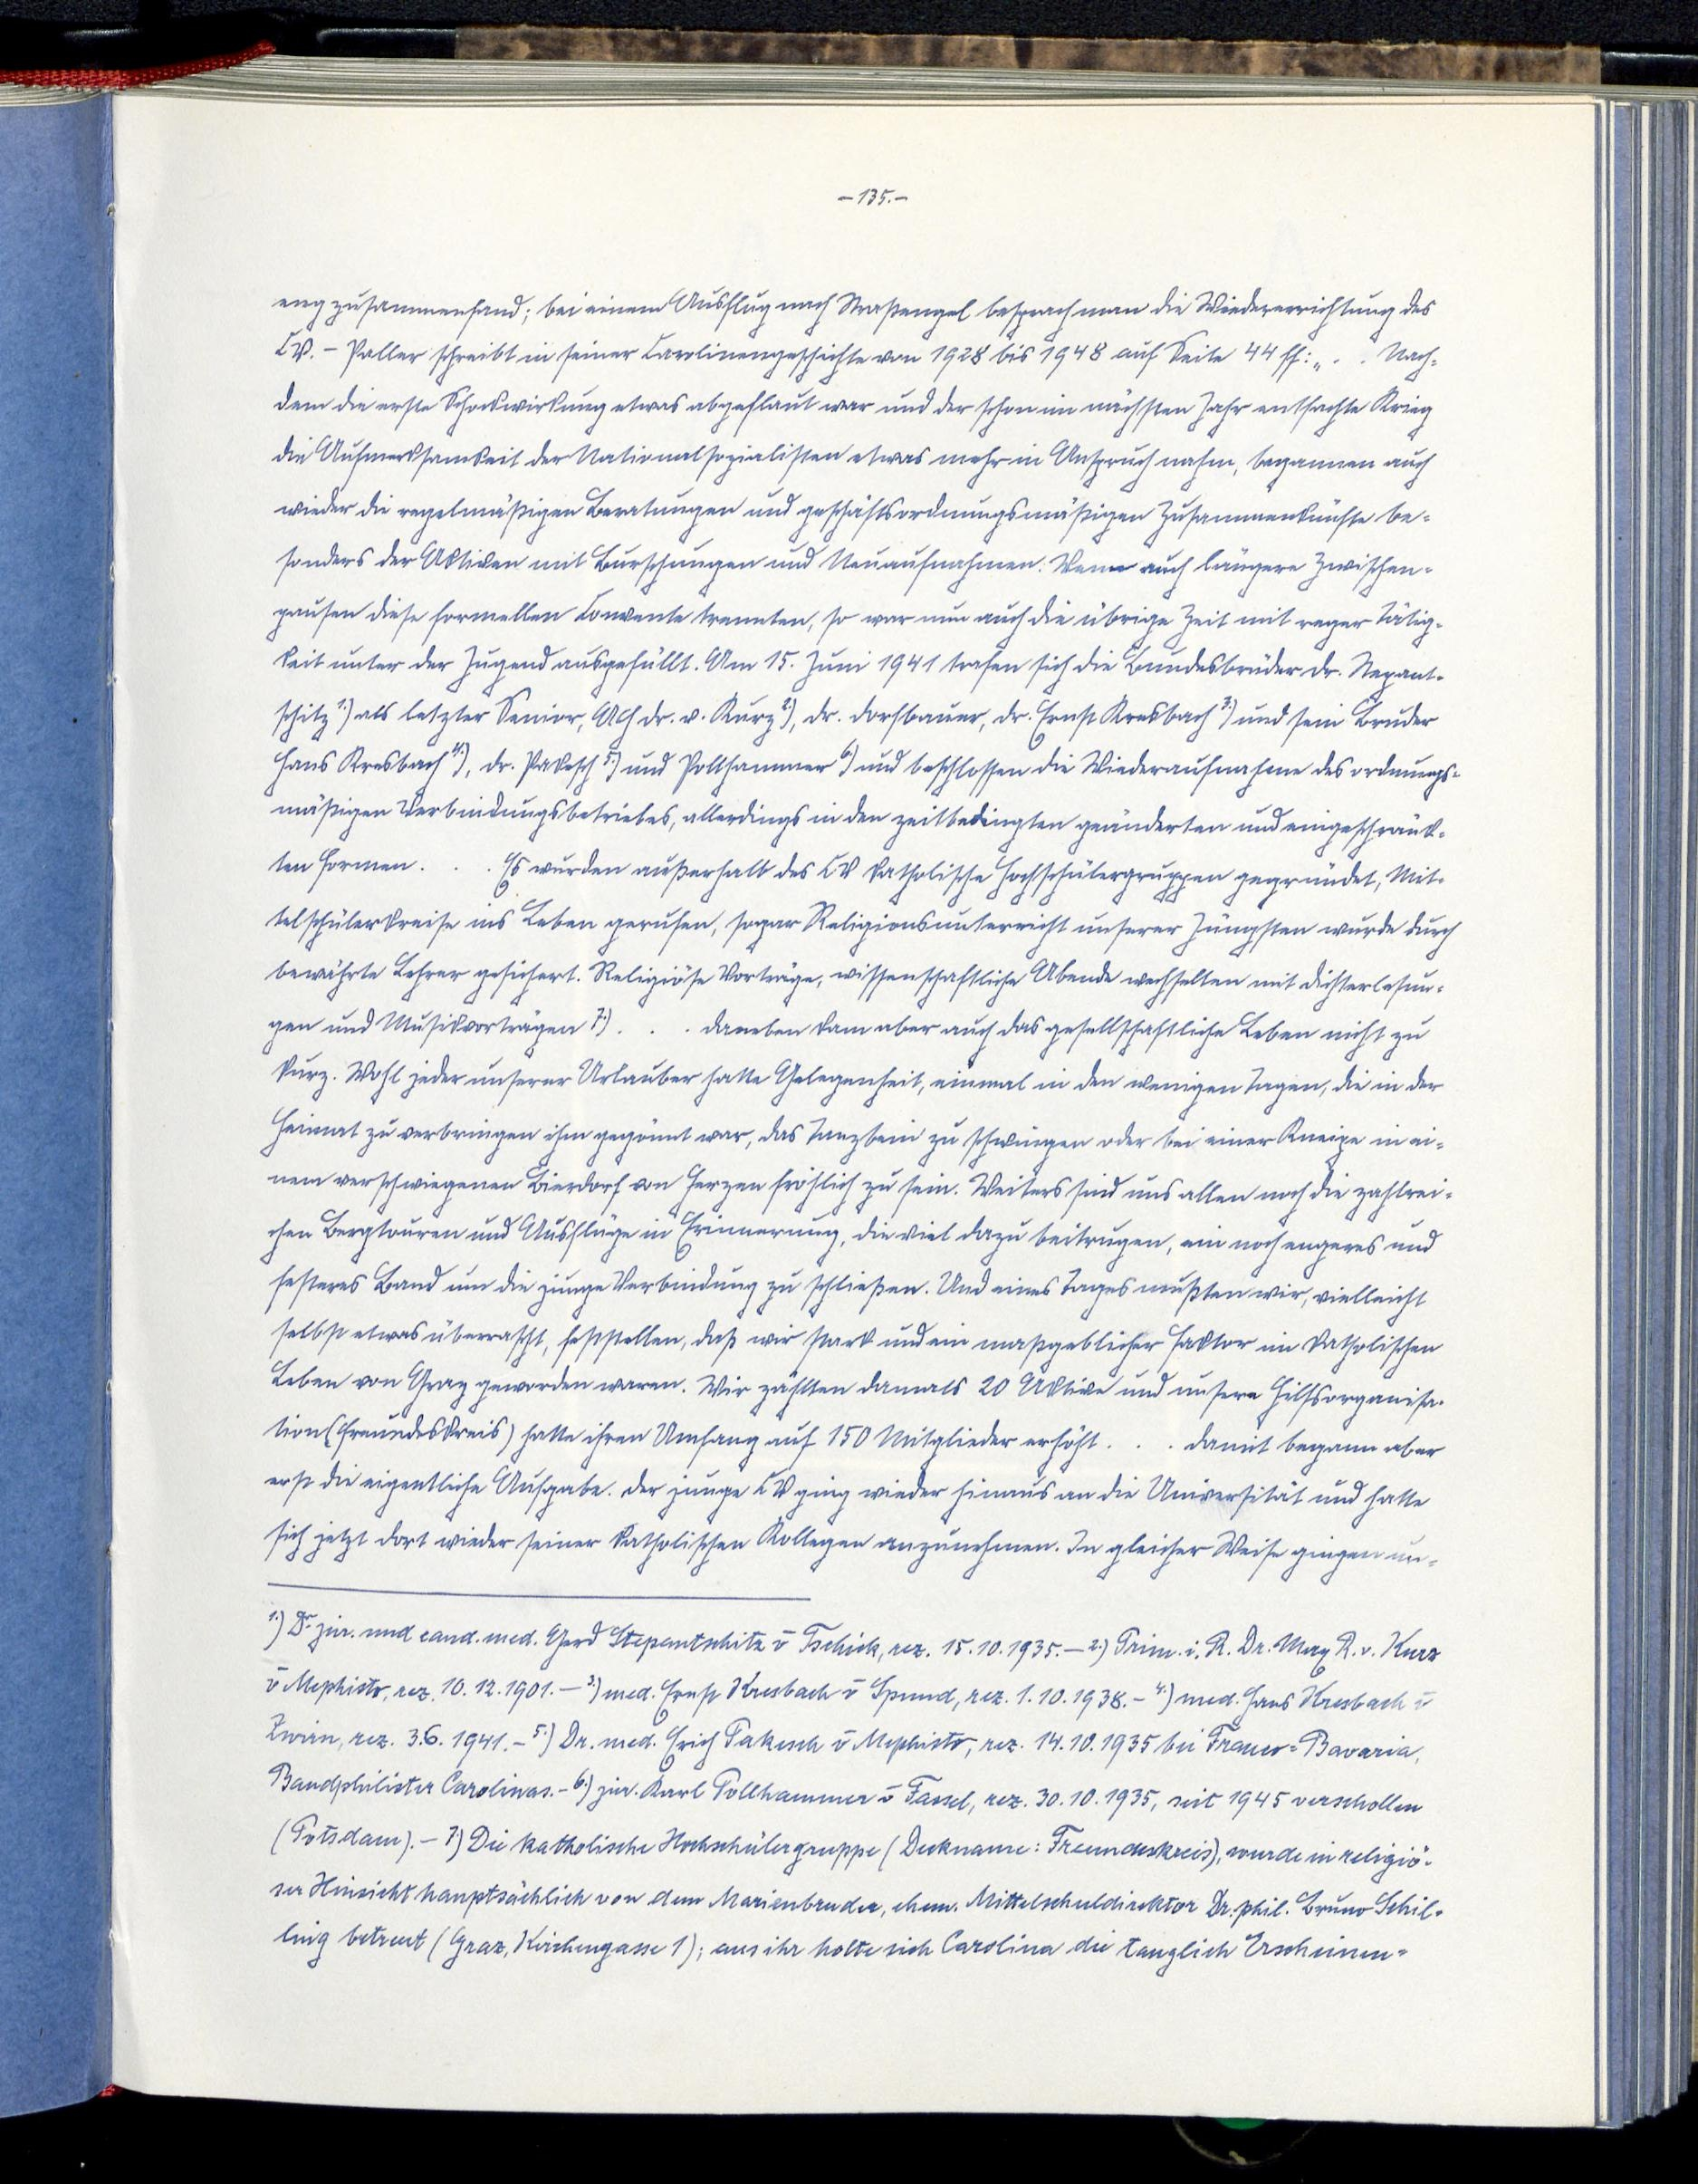135
eng zusammenfand; bei einem Ausflug nach Straßengel besprach man die Wiedererrichtung des
CV. - Paller schreibt in seiner Carolinengeschichte von 1928 bis 1948 auf Seite 44 ff.: "...Nach
dem die erste Schockwirkung etwas abgeflaut war und der schon im nächsten Jahr entfachte Krieg
die Aufmerksamkeit der Nationalsozialisten etwas mehr inAnspruch nahm, begannen auch
wieder die regelmäßigen Beratungen und geschäftsordnungsmäßigen Zusammenkünfte be-
sonders der Aktiven mit Burschungen und Neuaufnahmen. Wenn auch längere Zwischen-
Pausen diese formellen Convente trennten, so war nun auch die übrige Zeit mit reger Tätig-
keit unter der Jugend ausgefüllt. Am 15. Juni 1941 trafen sich die Bundesbrüder Dr. Stepant-
schitz 1) als letzter Senior, Dr. v. Kurz.2), Dr. Dorfbauer, Dr. Ernst Kresbach )und sein Bruder
Hans Kresbach 4), Dr. Pakesch 5) und Polhamner 6) und beschlossen die Wiederaufnahme des ordungs-
mäßigen Verbindungsbetriebes, allerdings in den zeitbedingten geänderten und eingeschränk-
ten Formen... Es wurden außerhalb des CV katholische Hochschülergruppen gegründet, Mit-
telschülerkreise ins Leben gerufen, sogar Religionsunterricht unserer Jüngsten wurde durch
bewährte Lehrer gesichert. Religiöse Vorträge, wissenschaftliche Abende wechselten mit Dichterlesun-
gen und Musikvorträgen 7) ... Daneben kam aber auch das gesellschaftliche Leben nicht zu
kurz. Wohl jeder unserer Urlauber hatte Gelegenheit, einmal in den wenigen Tagen, die in der
Heimat zu verbringen ihm gegönnt war, das Tanzbein zu schwingen oder bei einer Kneipe in ein-
nem verschwiegenen Bierdorf von Herzen fröhlich zu sein. Weiters sind uns allen noch die zahlrei-
chen Bergtouren und Ausflüge in Erinnerung, die viel dazu beitrugen, ein noch engeres und
festeres Band um die junge Verbindung zu schließen. Und eines Tage mußten wir, vielleicht
selbst etwas überrascht, feststellen, daß wir stark und ein maßgeblicher Faktor im katholischen
Leben von Graz geworden waren. Wir zählten damals 20 Aktive und unsere Hilfsorganisa-
tion (Freundeskreis) hatte ihren Umfang auf 150 Mitglieder erhöht...Damit begann aber
erst die eigentlich Aufgabe. Der junge CV ging wieder hinaus an die Universität und hatte
sich jetzt dort wieder seiner katholischen Kollegen anzunehmen. In gleicher Weise gingen un-
1) iur und cand. med er Stepantschitz v/o Tschick, rez. 15. 10. 1935.- 2) Prim. i. R. Dr. Max R. v. Kurz
v/o Mephisto, rez. 10. 12.1901.- 3) med. Ernst Kresbach v/o Spund, rez. 1.10. 1938.- 4) med. Hans Kresbach v/o
Zwin, rez. 3. 6. 1941. - 5) Dr. med. Erich Pakesch v/o. Mephisto, rez. 14. 10. 1935 bei Franco- Bavaria,
Bandphilister Carolinas. - 6) iur. Karl Pollhammer v/o Fassel, rez. 30. 10. 1935, seit 1945 verschollen
(Potsdam).- 7) Die katholische Hochschülergruppe (Decknanme: Freuunedeskreis, wurde in religiö-
ser Hinsicht hauptsächlich von dem Marienbruder, ehem Mitelschuldirektor Dr. phil. Bruno Schil-
ling betreut (Graz, Kirchengasse 1) aus ihr holte sich Carolina die tauglich Erscheinen-